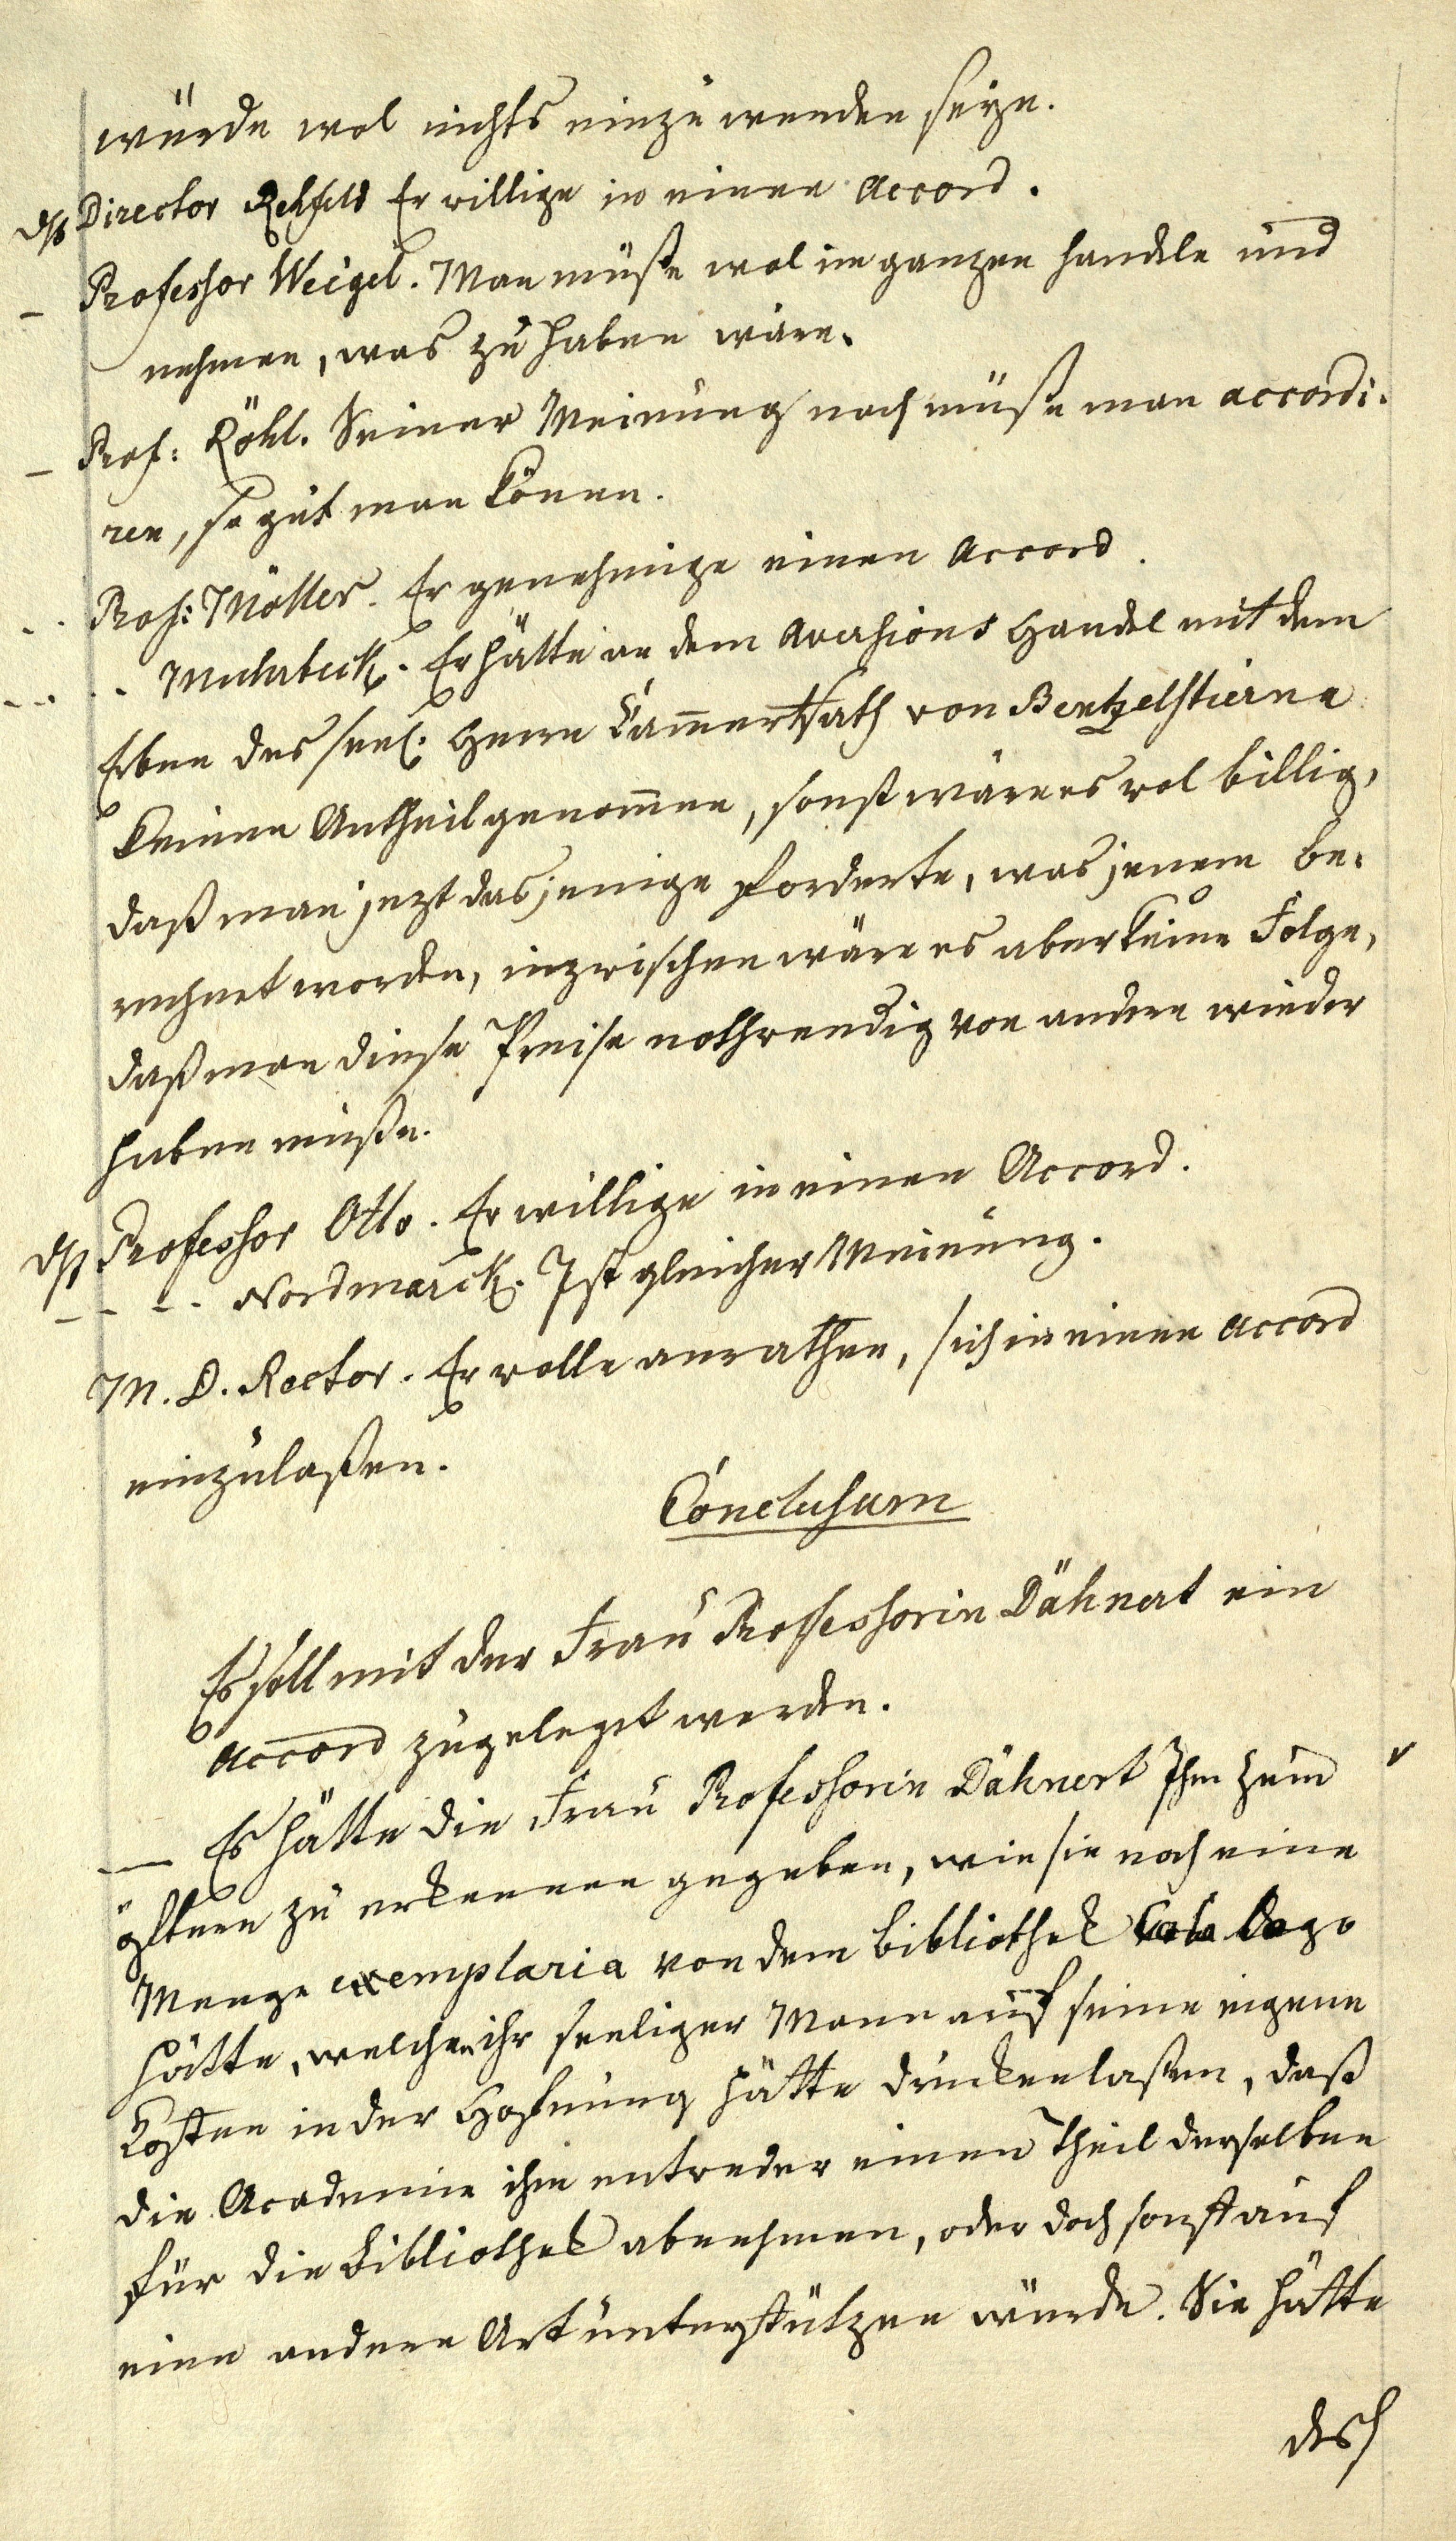würde wol nichts einzuwenden seÿn.
dh. Director Rehfeld Er willige in einen Accord.
Professor Weigel. Man müße wol im ganzen handeln und
nehmen, was zu haben wäre.
Prof. Röhl. Seiner Meinung nach müße man accordi¬
ren, so gut man könne.
Prof. Möller. Er genehmige einen Accord.
Muhrbeck. Er hätte an dem Aversions Handel mit dem
Erben des seel. Herrn CamerRath von Bentzelstierna
keinen Antheil genomen, sonst wäre es wol billig,
daß man jezt dasjenige forderte, was jenem be¬
rechnet worden, inzwischen wäre es aber keine Folge,
daß man diese Preise nothwendig von andern wieder
haben müße.
dh Professor Otto. Er willige in einen Accord.
Nordmarck. Ist gleicher Meinung.
M. D. Rector. Er wolle anrathen, sich in einen Accord
einzulaßen.
Conclusum
Es soll mit der Frau Professorin Dähnert ein
Accord zugeleget werden.
Er hätte die Frau Professorin Dähnert Ihm zum
öftern zu erkennen gegeben, wie sie noch eine
Menge exemplaria von dem Bibliothek Catalogo
hätte, welchen ihr seeliger Mann auf seine eigene
Kosten in der Hofnung hätte drucken laßen, daß
die Academie ihm entweder einen Theil derselben
für die Bibliothek abnehmen, oder doch sonst auf
eine andere Art unterstützen würde. Sie hätte
desh